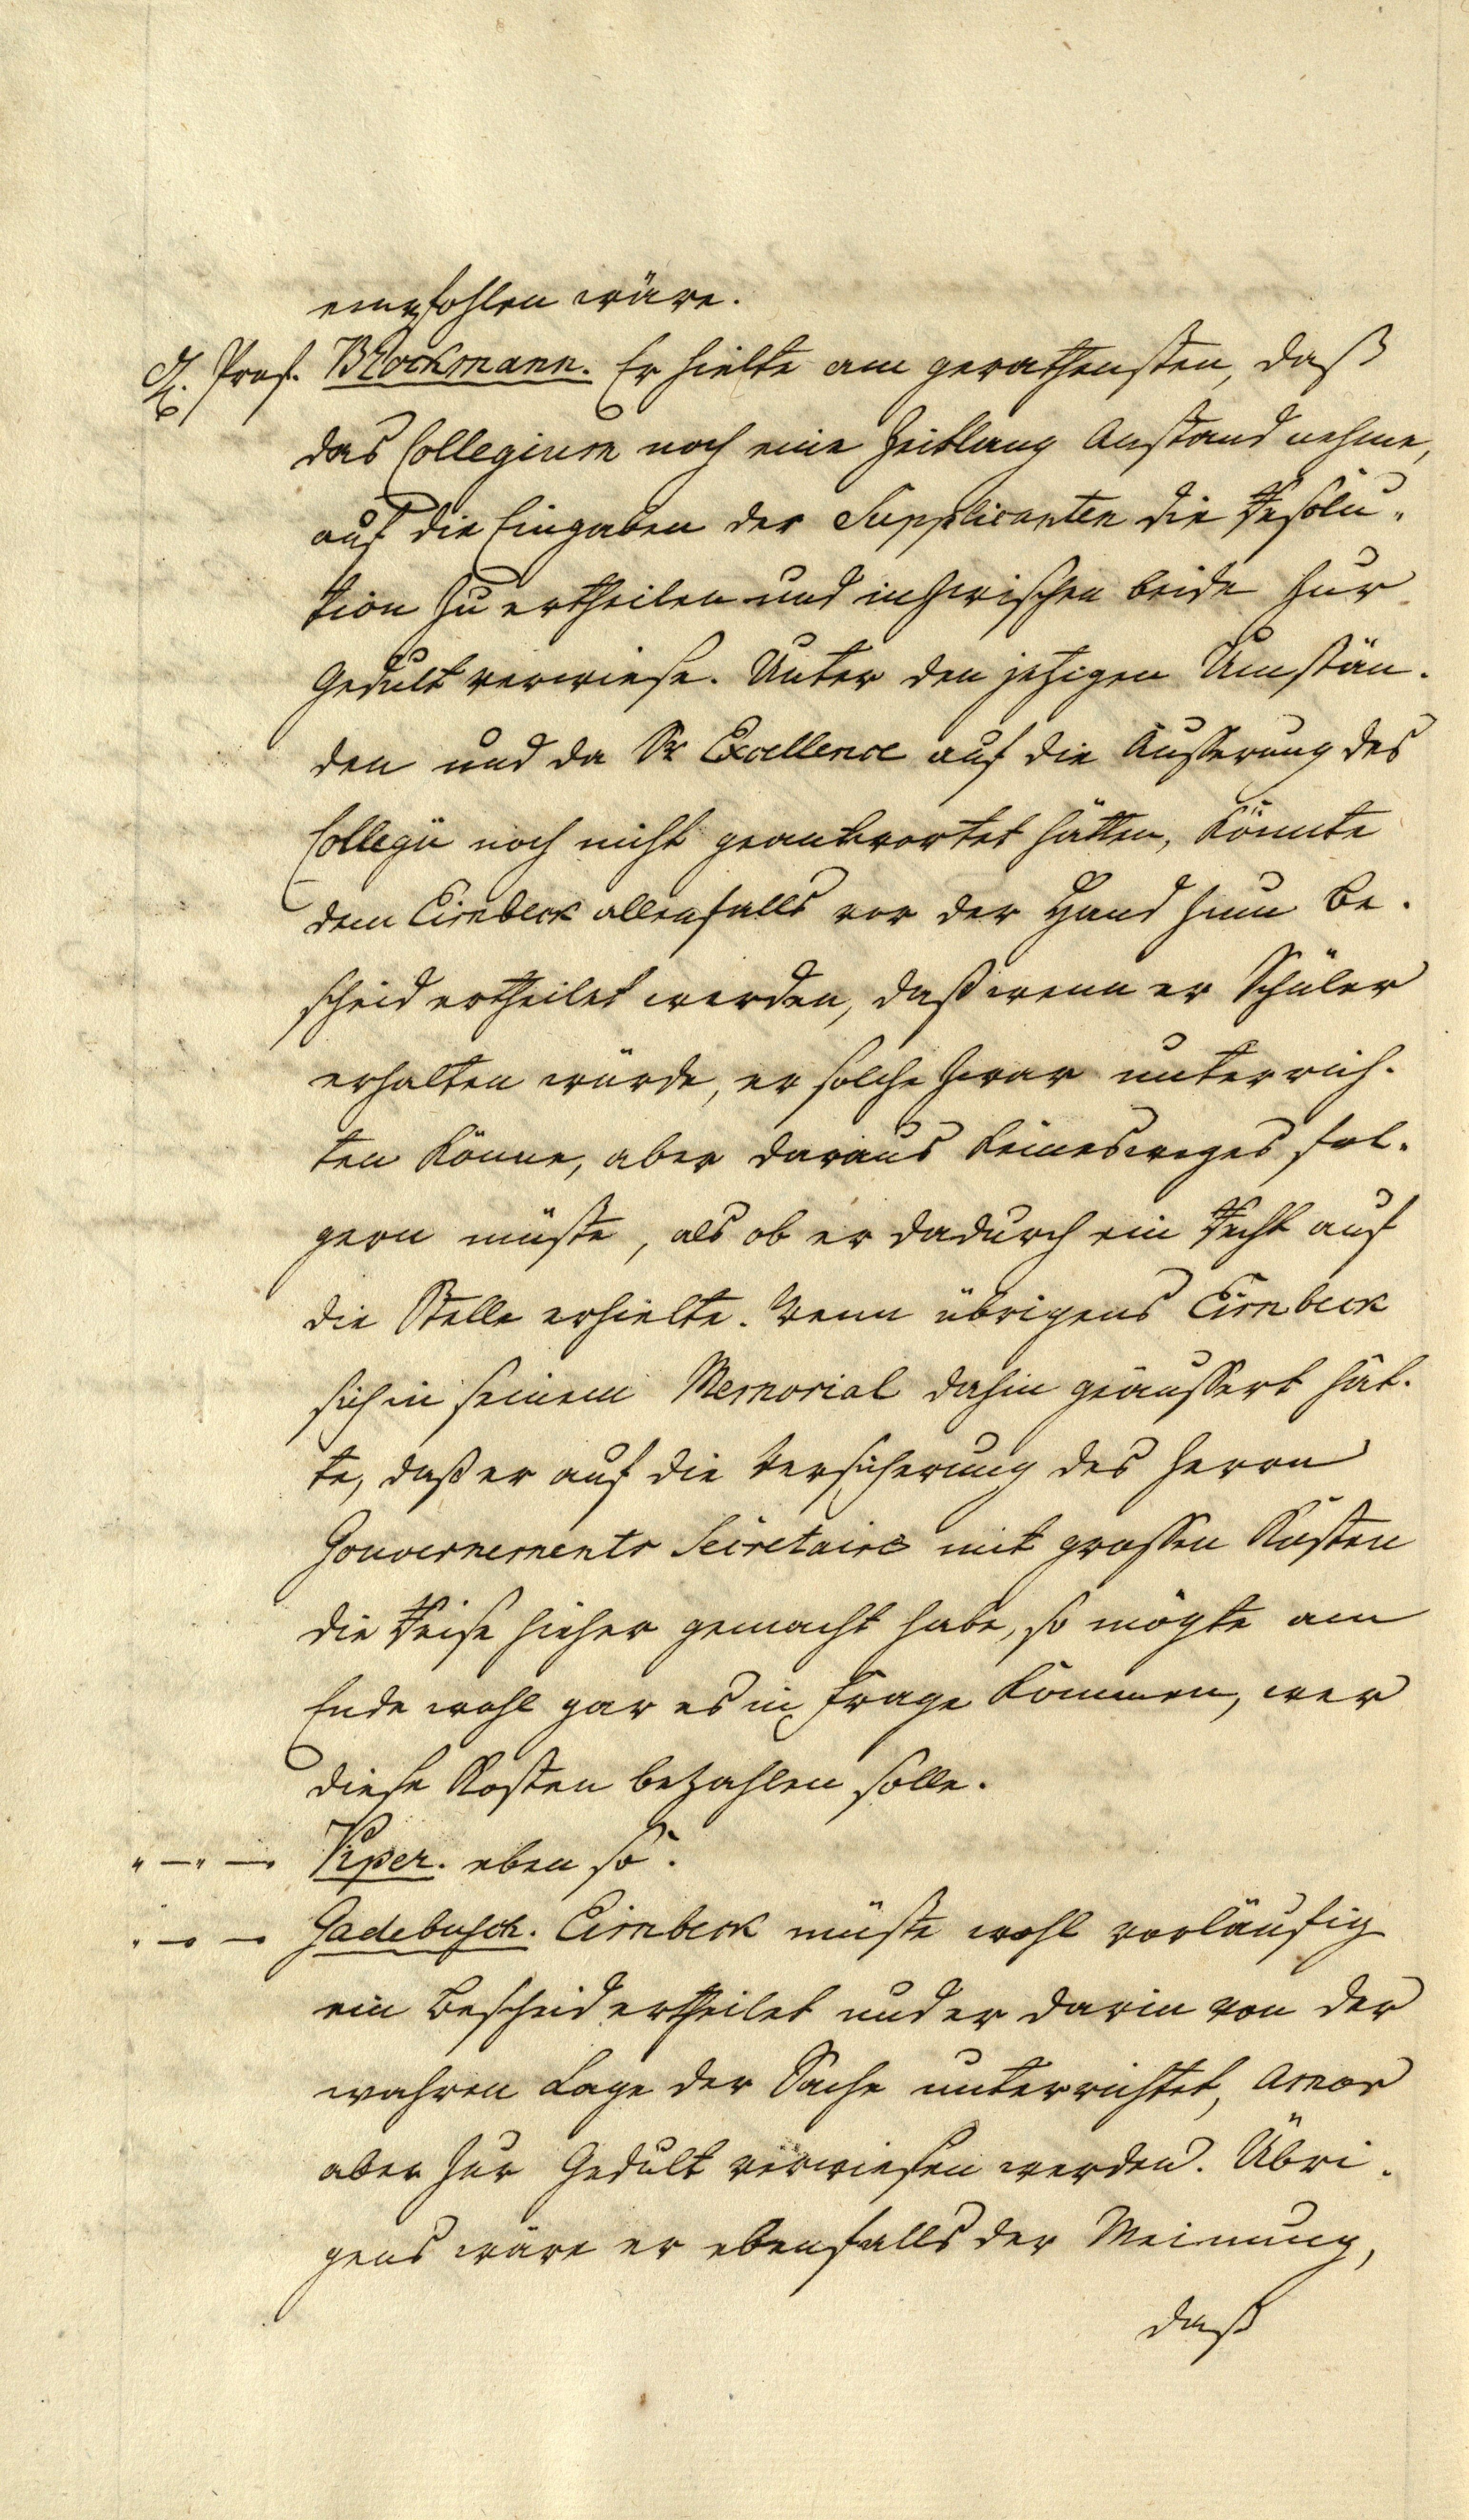empfohlen wäre.
dh. Prof. Brockmann. Er hielte am gerathensten, daß
das Collegium noch eine Zeitlang Anstand nehme,
auf die Eingaben der Supplicanten die Resolu-
tion zu ertheilen und inzwischen beide zur
Gedult verwiese. Unter den jetzigen Umstän-
den und da Sr. Excellence auf die Äusserung des
Collegii noch nicht geantwortet hätten, könnte
dem Eimbeck allenfalls vor der Hand zum Be-
scheid ertheilet werden, daß wenn er Schüler
erhalten würde, er solche zwar unterrich-
ten könne, aber daraus keinesweges fol-
gern müßte, als ob er dadurch ein Recht auf
die Stelle erhielte. Wenn übrigens Eimbeck
sich in seinem Memorial dahin geäussert hät-
te, daß er auf die Versicherung des Herrn
Gouvernements Secetaire mit grossen Kosten
die Reise hieher gemacht habe, so mögte am
Ende wohl gar es in Frage kommen, wer
diese Kosten bezahlen solle.
" - " - " Piper. eben so.
" - " - " Gadebusch: Eimbeck müßte wohl vorläufig
ein Bescheid ertheilet und er darin von der
wahren Lage der Sache unterrichtet, Amor
aber zur Gedult verwiesen werden. Übri-
gens wäre er ebenfalls der Meinung,
daß